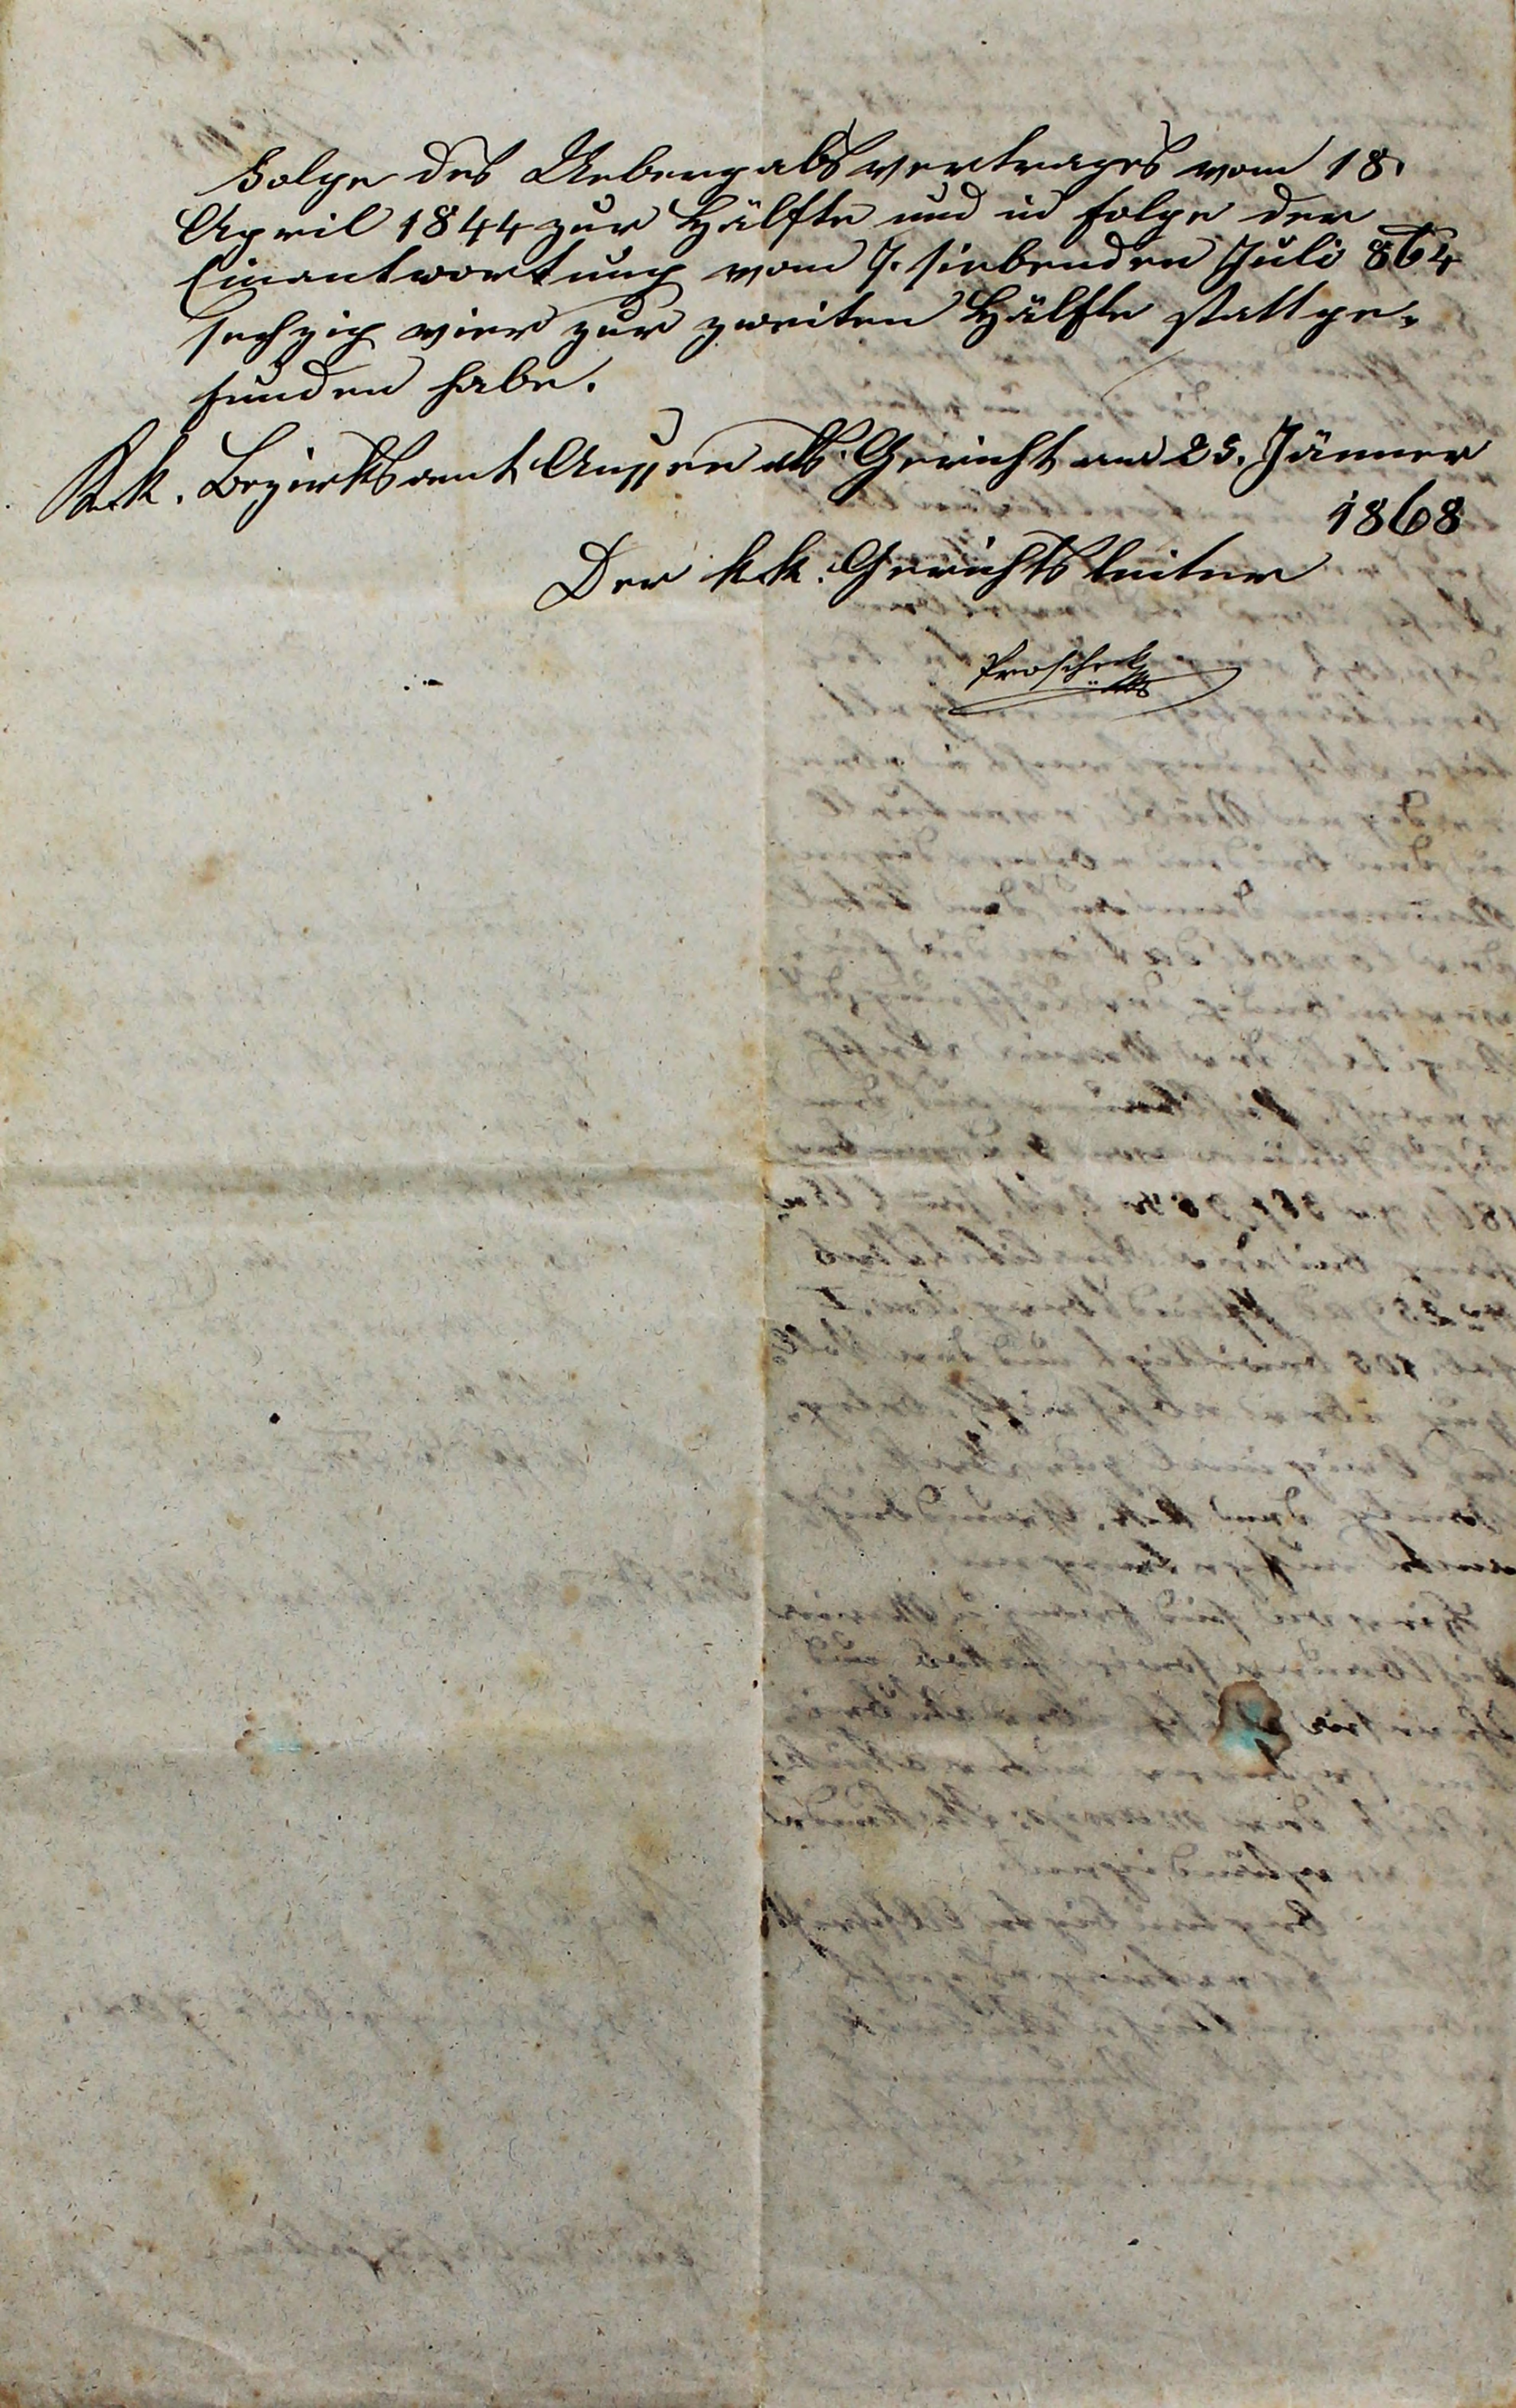Folge des Uebergabsvertrages vom 18.
April 1844 zur Hälfte und in Folge der
Einantwortung vom 7. siebenden Juli 864
sechzig vier zur zweiten Hälfte stattge„
funden habe.
k.k. Bezirks ank Aussee als Gericht am 25. Jänner
1868
Der k.k. Gerichtsleiter
Proscheck